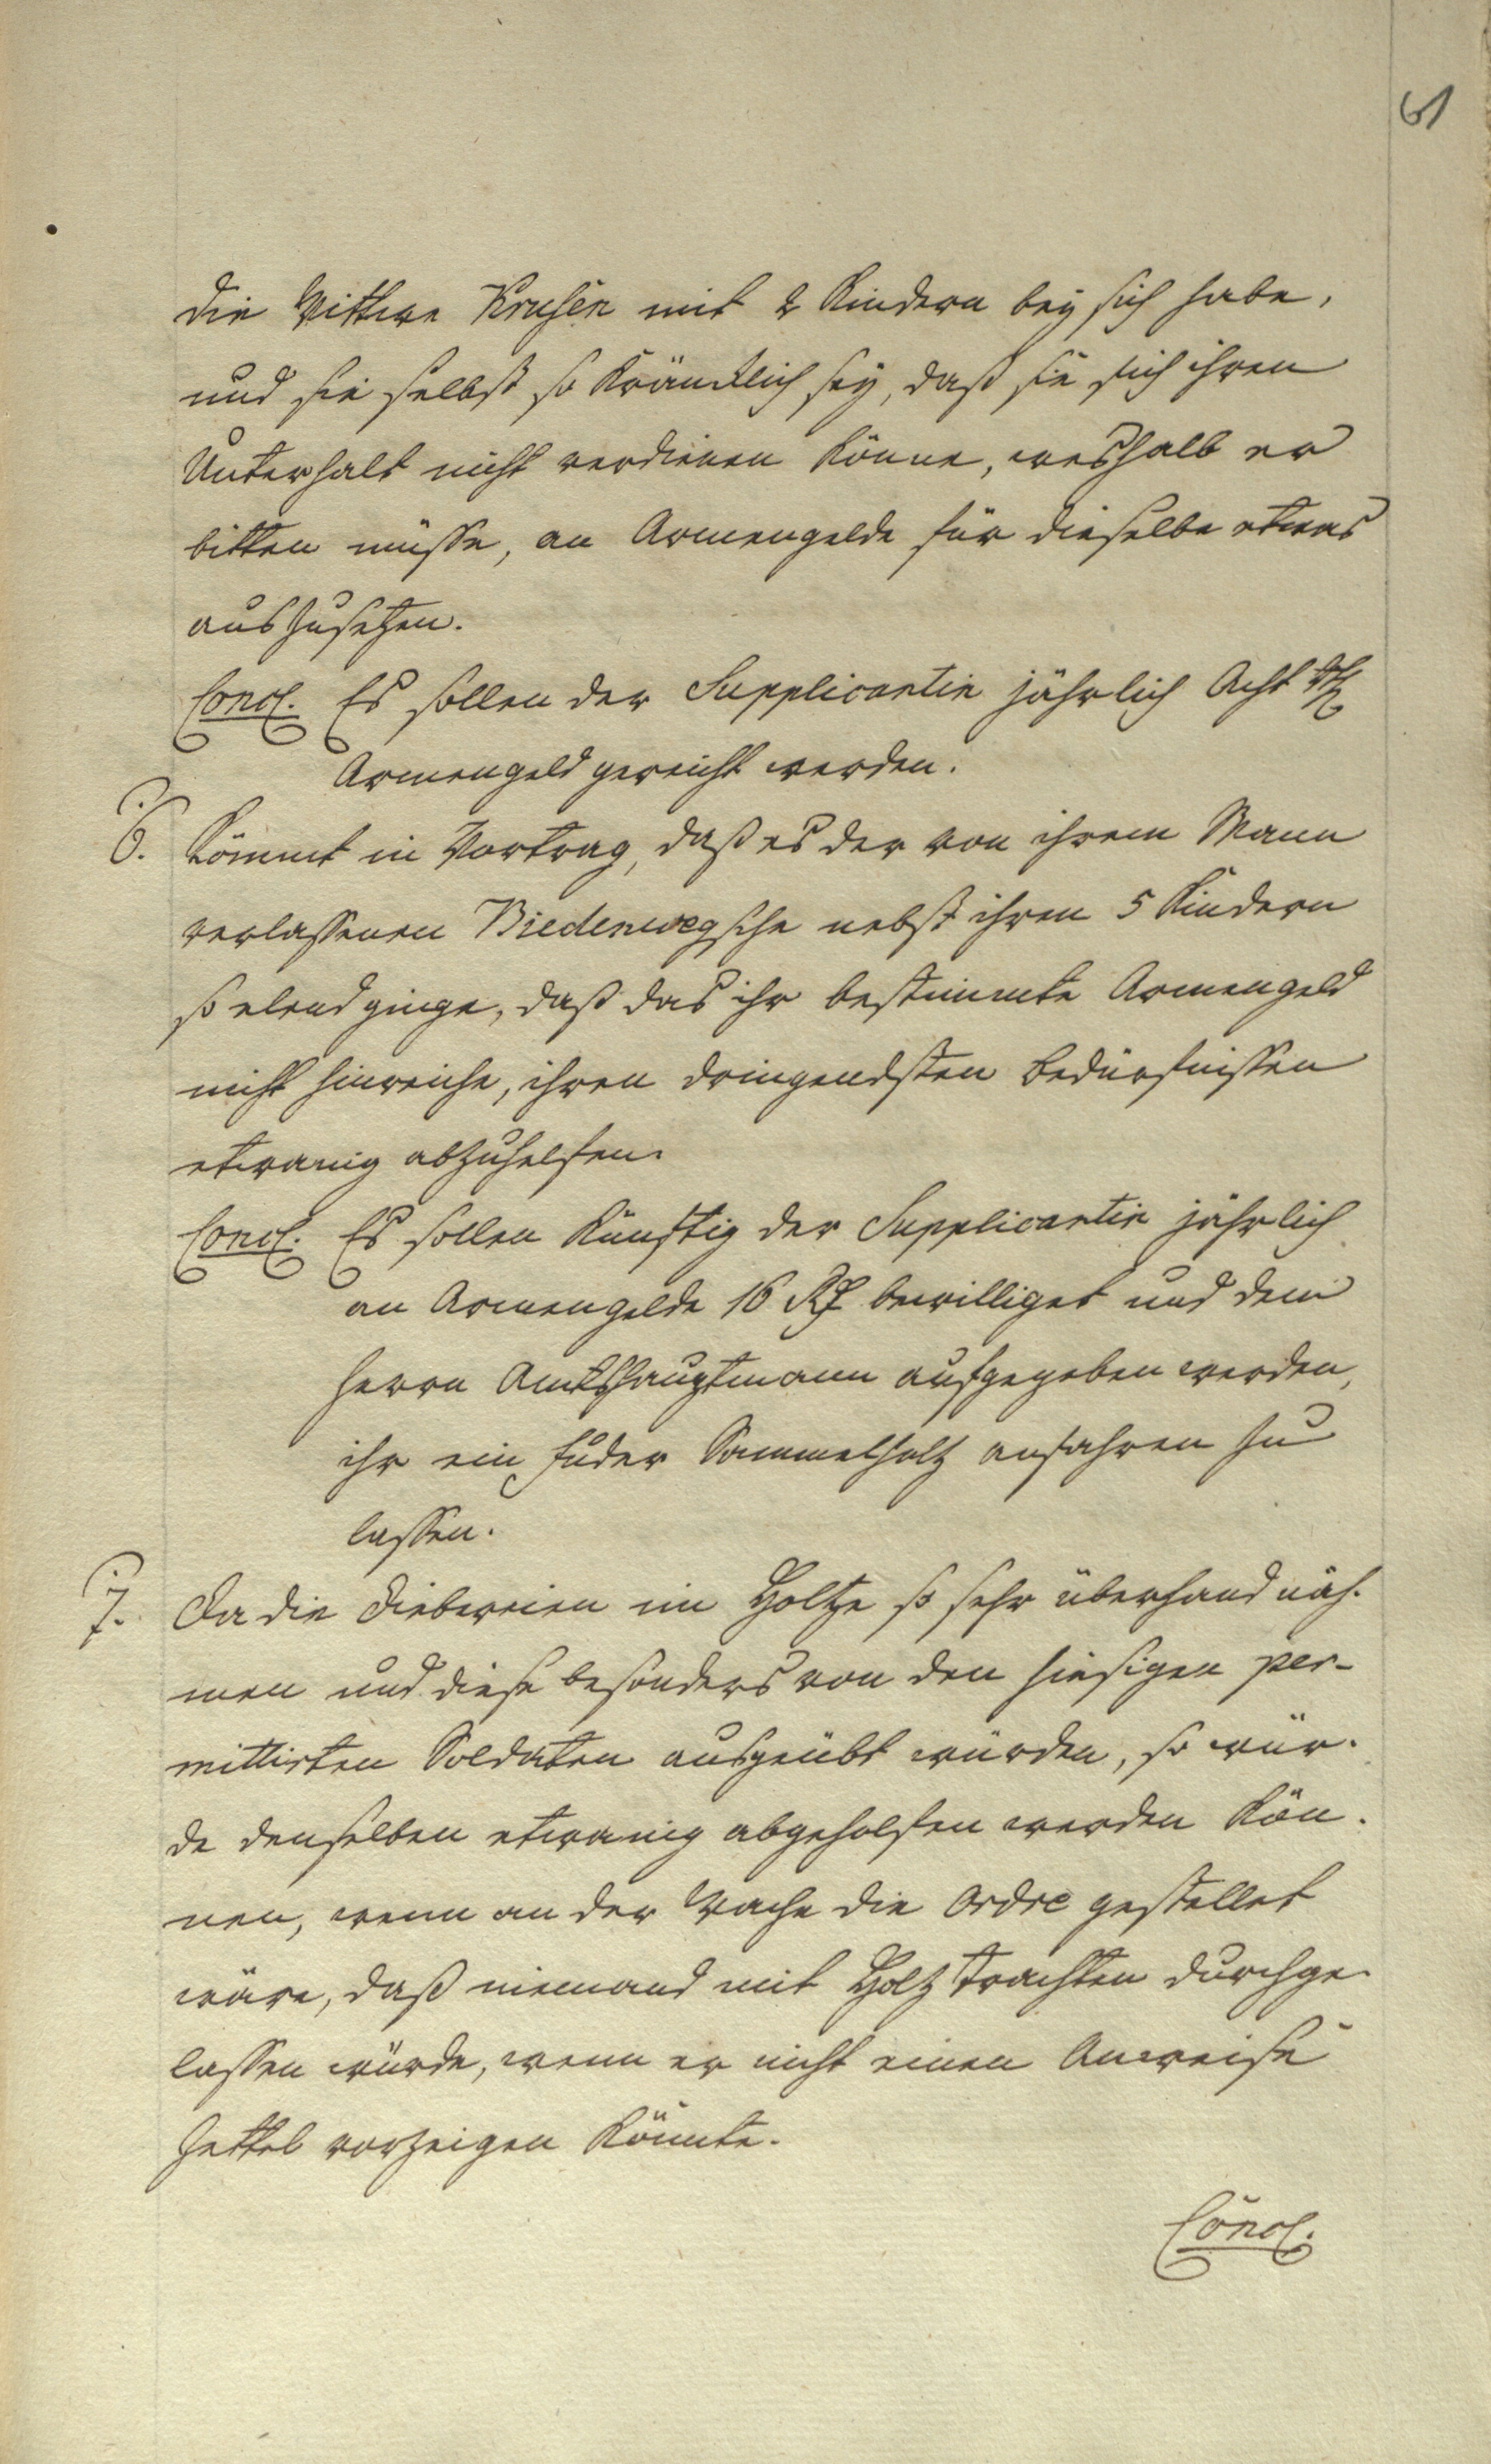die Wittwe Krusen mit 2 Kindern beÿ sich habe,
und sie selbst so kräncklich seÿ, daß sie sich ihren
Unterhalt nicht verdienen könne, weshalb er
bitten müsse, an Armengelde für dieselbe etwas
auszusetzen.
Concl. Es sollen der Supplicantin jährlich Acht Rth
Armengeld gereicht werden.
6. Kömmt in Vortrag, daß es der von ihrem Mann
verlassenen Biedenwegsche nebst ihren 5 Kindern
so elend ginge, daß das ihr bestimmte Armengeld
nicht hinreiche, ihren dringendsten Bedürfnissen
etwanig abzuhelfen.
Concl. Es sollen künftig der Supplicanten jährlich
an Armengelde 16 Rf bewilliget und dem
Herrn Amtshauptmann aufgegeben werden,
ihr ein Fuder Sammelhalz anfahren zu
lassen.
7. Da die Diebereien im Holtze so sehr überhand näh¬
men und diese besonders von den hiesigen per¬
mittirten Soldaten ausgeübt würden, so wür¬
de denselben etwanig abgeholfen werden kön¬
nen, wenn an der Wache die Ordre gestellet
wäre, daß niemand mit Holz trachten durchge¬
lassen würde, wenn er nicht einen Anweis¬e
Zettel vorzeigen könnte.
Con.